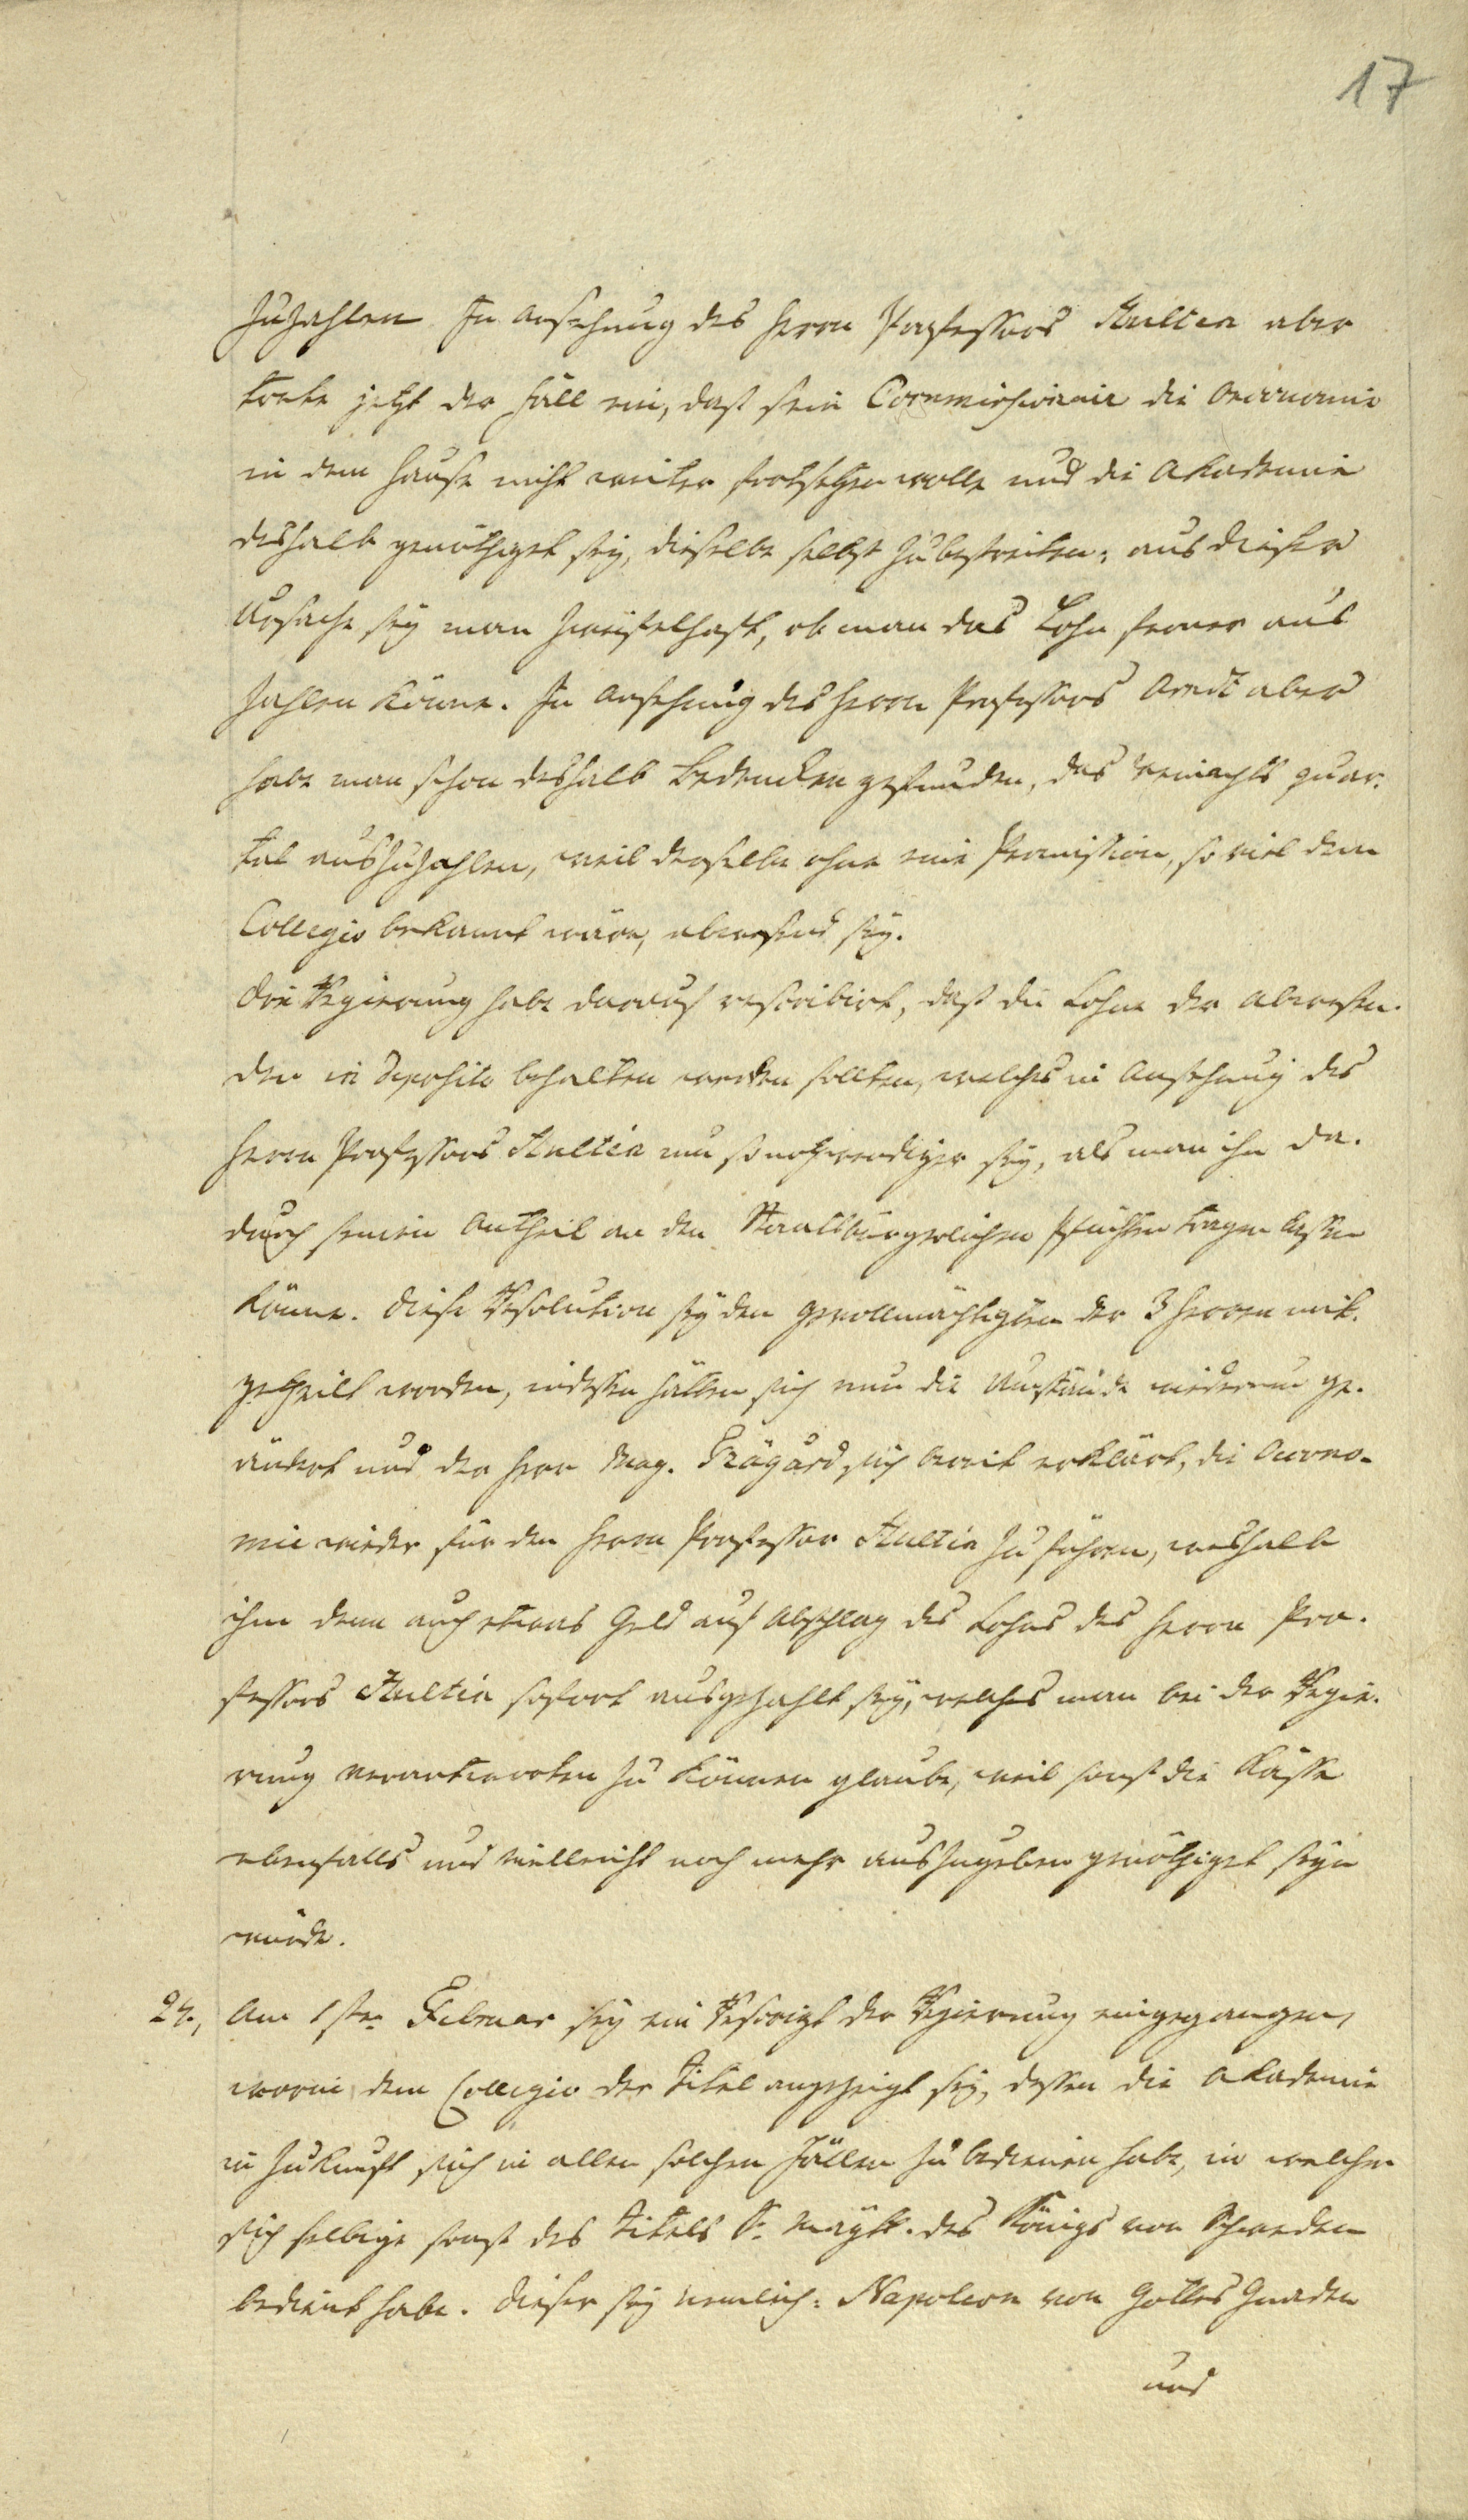zuzahlen. In Ansehung des Herrn Professors Hulten aber
trete jetzt der Fall ein, daß sein Commissionair die Oeconomie
in dem Hause nicht weiter fortsetzen wolle und die Akademie
deshalb genöthiget seÿ, dieselbe selbst zu bestreiten; aus dieser
Ursache seÿ man zweifelhaft, ob man das Lohn ferner aus
zahlen könne. In Ansehung des Herrn Professors Arndt aber
habe man schon deshalb Bedencken gefunden, das Weinachts quar¬
tal auszuzhahlen, weil derselbe ohne eine Permission, so dies dem
Collegio bekannt wäre, abwesend seÿ.
Die Regierung habe darauf rescribirt, daß die Lohne der Abwesen¬
den in deposito behalten werden sollten, welches in Ansehung des
Herrn Professors Hultén um so nothwendiger seÿ, als man ihn da¬
durch seinen Antheil an den Staatsbürgerlichen Pflichten tragen lassen
könne. Diese Resolution seÿ dem Gevollmächtigten der 3 Herren mit¬
getheilt worden, indessen hätten sich nun die Umstände wiederum ge¬
ändert und der Herr Mag. Trägård sich bereit erklärt, die Oecono¬
mie wieder für den Herrn Professor Hultén zu führen, weshalb
ihm denn auch etwas Geld auf Abschlag des Lohns des Herrn Pro¬
fessors Hultén sofort ausgezahlt seÿ, welches man bei der Regie¬
rung verantworten zu können glaube, weil sonst die Kasse
ebenfalls und vielleicht noch mehr auszugeben genöthiget seÿn
würde.
24., Am 1sten Februar seÿ ein Rescript der Regierung eingegangen,
worin dem Collegio der Titel angezeigt seÿ, dessen die Akademie
in Zukunft sich in allen solchen Fällen zu bedienen habe, in welchen
sich selbige sonst des Titels Sr. Maÿtt. des Königs von Schweden
bedient habe. Dieser seÿ nemlich: Napoleon von Gottes Gnaden
und